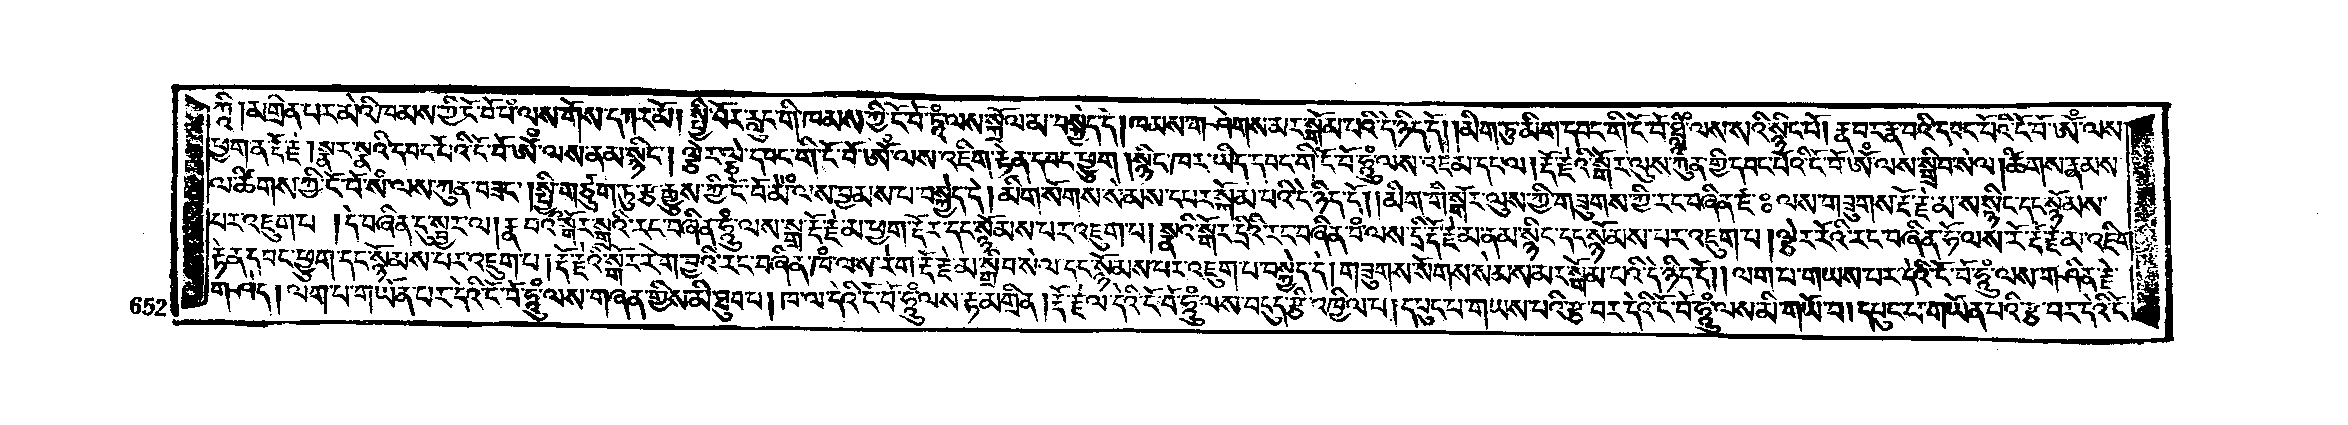ཀཱི། མགྲིན་པར་མེའི་ཁམས་ཀྱི་ངོ་བོ་པཾ་ལས་གོས་དཀར་མོ། སྤྱི་བོར་རླུང་གི་ཁམས་ཀྱི་ངོ་བོ་ཏཱཾ་ལས་སྒྲོལ་མ་དོ། ཁམས་གཤེགས་མར་སྒོམ་པའི་དེ་ཉིད་དོ། །མིག་ཏུ་མིག་དབང་གི་ངོ་བོ་ཐླཱིཾ་ལས་སའི་སྙིང་པོ། རྣ་བར་རྣ་བའི་དབང་པོའི་ངོ་བོ་ཨོཾ་ལས་
ཕྱག་ན་རྡོ་རྗེ། སྣར་སྣའི་དབང་པོའི་ངོ་བོ་ཨོཾ་ལས་ནམ་སྙིང་། ལྕེར་ལྕེ་དབང་གི་ངོ་བོ་ཨོཾ་ལས་འཇིག་རྟེན་དབང་ཕྱུག །སྙིང་ཁར་ཡིད་དབང་གི་ངོ་བོ་ཧཱུཾ་ལས་འཇམ་དཔལ། རྡོ་རྗེའི་སྒོར་ལུས་ཀུན་གྱི་དབང་པོའི་ངོ་བོ་ཨོཾ་ལས་སྒྲིབ་སེལ། ཚིགས་རྣམས་
ལ་ཚིགས་ཀྱི་ངོ་བོ་སཾ་ལས་ཀུན་བཟང་། སྤྱི་གཙུག་ཏུ་རྩ་རྒྱུས་ཀྱི་ངོ་བོ་མཻཾ་ལས་བྱམས་པ་བསྐྱེད་དེ། མིག་སོགས་སེམས་དཔར་སྒོམ་པའི་དེ་ཉིད་དོ། །མིག་གི་སྒོར་ལུས་ཀྱི་གཟུགས་ཀྱི་རང་བཞིན་ཛཿ ལས་གཟུགས་རྡོ་རྗེ་མ་ས་སྙིང་དང་སྙོམས་
པར་འཇུག་པ། དེ་བཞིན་དུ་སྦྱར་ལ། རྣ་བའི་སྒོར་སྐྲའི་རང་བཞིན་ཧཱུཾ་ལས་སྒྲ་རྡོ་རྗེ་མ་ཕྱག་རྡར་དང་སྙོམས་པར་འཇུག་པ། སྣའི་སྒོར་དྲིའི་རང་བཞིན་བཾ་ལས་དྲི་རྡོ་རྗེ་མ་ནམ་སྙིང་དང་སྙོམས་པར་འཇུག་པ། ལྕེར་རོའི་རང་བཞིན་ཧོ་ལས་རོ་རྡོ་རྗེ་མ་འཇིག་
རྟེན་དབང་ཕྱུག་དང་སྙོམས་པར་འཇུག་པ། རྡོ་རྗེའི་སྒོར་རེག་བྱའི་རང་བཞིན་ཁཾ་ལས་རེག་རྡོ་རྗེ་མ་སྒྲིབ་སེལ་དང་སྙོམས་པར་འཇུག་པ་བསྐྱེད་དེ། གཟུགས་སོགས་སེམས་མར་སྒོམ་པའི་དེ་ཉིད་དོ། །ལག་པ་གཡས་པར་དེའི་ངོ་བོ་ཧཱུཾ་ལས་གཤིན་རྗེ་
གཤེད། ལག་པ་གཡོན་པར་དེའི་ངོ་བོ་ཧཱུཾ་ལས་གཞན་གྱིས་མི་ཐུབ་པ། ཁ་ལ་དེའི་ངོ་བོ་ཧཱུཾ་ལས་རྟ་མགྲིན། རྡོ་རྗེ་ལ་དེའི་ངོ་བོ་ཧཱུཾ་ལས་བདུད་རྩི་འཁྱིལ་པ། དཔུང་པ་གཡས་པའི་རྩ་བར་དེའི་ངོ་བོ་ཧཱུཾ་ལས་མི་གཡོ་བ། དཔུང་པ་གཡོན་པའི་རྩ་བར་དེའི་ངོ་